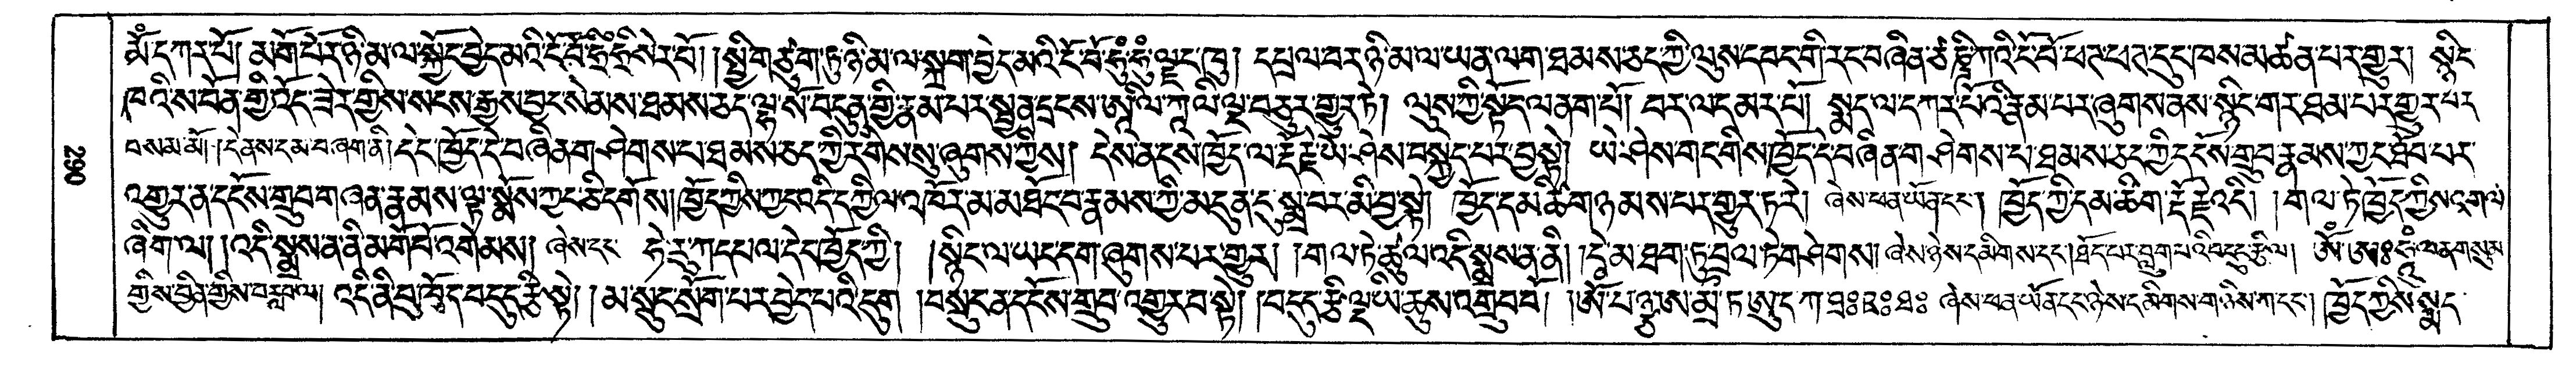མོཾ་དཀར་པོ། མགོ་བོར་ཉི་མ་ལ་སྐྱོང་བྱེད་མའི་ངོ་བོ་ཧྲེཾ་ཧྲེཾ་སེར་པོ། །སྤྱི་གཙུག་ཏུ་ཉི་མ་ལ་སྐྲག་བྱེད་མའི་ངོ་བོ་ཧུཾ་ཧུཾ་ལྗང་ཁུ། དཔྲལ་བར་ཉི་མ་ལ་ཡན་ལག་ཐམས་ཅད་ཀྱི་ལུས་དབང་གི་རང་བཞིན་ཙཎྜི་ཀའི་ངོ་བོ་ཕཊ་ཕཊ་དུང་ཁས་མཚན་པར་གྱུར། སྙིང་
ཁའི་ས་བོན་གྱི་འོད་ཟེར་གྱིས་སངས་རྒྱས་བྱང་སེམས་ཐམས་ཅད་ལྷ་སོ་བདུན་གྱི་རྣམ་པར་སྤྱན་དྲངས་ཨཱ་ལི་ཀཱ་ལི་ལྔ་བཅུར་གྱུར་ཏེ། ལུས་ཀྱི་སྟོད་ལ་ནག་པོ། བར་ལ་དམར་པོ། སྨད་ལ་དཀར་བོའི་རྣམ་པར་ཞུགས་ནས་སྙིང་གར་ཐིམ་པར་གྱུར་པར་
བསམ་མོ། །དེ་ནས་དམ་བཞག་ནི། དེང་ཁྱོད་དེ་བཞིན་གཤེགས་པ་ཐམས་ཅད་ཀྱི་རིགས་སུ་བཞུགས་ཀྱིས། དེས་ན་ངས་ཁྱོད་ལ་རྡོ་རྗེ་ཡེ་ཤེས་བསྐྱེད་པར་བྱ་སྟེ། ཡེ་ཤེས་གང་གིས་ཁྱོད་དེ་བཞིན་གཤེགས་པ་ཐམས་ཅད་ཀྱི་དངོས་གྲུབ་རྣམས་ཀྱང་ཐོབ་པར་
འགྱུར་ན་དངོས་གྲུབ་གཞན་རྣམས་ལྟ་སྨོས་ཀྱང་ཅི་དགོས། ཁྱོད་ཀྱིས་ཀྱང་འདི་དཀྱིལ་འཁོར་མ་མཐོང་བ་རྣམས་ཀྱི་མདུན་དུ་སྨྲ་བར་མི་བྱ་སྟེ། ཁྱོད་དམ་ཚིག་ཉམས་པར་གྱུར་ཏ་རེ། ཞེས་ཕན་ཡོན་དང་། ཁྱོད་ཀྱི་དམ་ཚི་ག་རྡོ་རྗེ་འདི། །གལ་ཏེ་ཁྱོད་ཀྱིས་འགའ་
ཞིག་ལ། །འདི་སྨྲས་ན་ནི་མགོ་བོ་འགམས། ཞེས་དང་། ཧེ་རུ་ཀ་དཔལ་དེང་ཁྱོད་ཀྱི། །སྙིང་ལ་ཡང་དག་ཞུགས་པར་གྱུར། །གལ་ཏེ་ཚུལ་འདི་སྨྲས་ན་ནི། །དེ་མ་ཐག་ཏུ་བྲལ་ཏེ་གཤེགས། ཞེས་ཉེས་དམིགས་དང་། ཐོད་པར་བླུག་བའི་བདུད་རྩིལ། ཨོཾ་ཨཱཿཧཱུཾ་ལན་གསུམ་
གྱིས་བྱིན་གྱིས་བརླབ་ལ། འདི་ནི་བུ་ཁྱོད་བདུད་རྩི་སྟེ། མ་སྲུང་སྲེག་པར་བྱེད་པའི་དུག །བསྲུང་ན་དངོས་གྲུབ་འགྱུར་བ་སྟེ། །བདུད་རྩི་ལྔ་ཡི་ཆུས་འགྲུབ་བོ། །ཨོཾ་པཉྩ་ཨ་མྲྀ་ཏ་ཨུ་ད་ཀ་ཊཿཨཿཊཿཨཿཊཿཨཿ ཞེས་ཕན་ཡོན་དང་ཉེས་དམིགས་གཉིས་ཀ་དང་། ཁྱོད་ཀྱིས་སྨད་